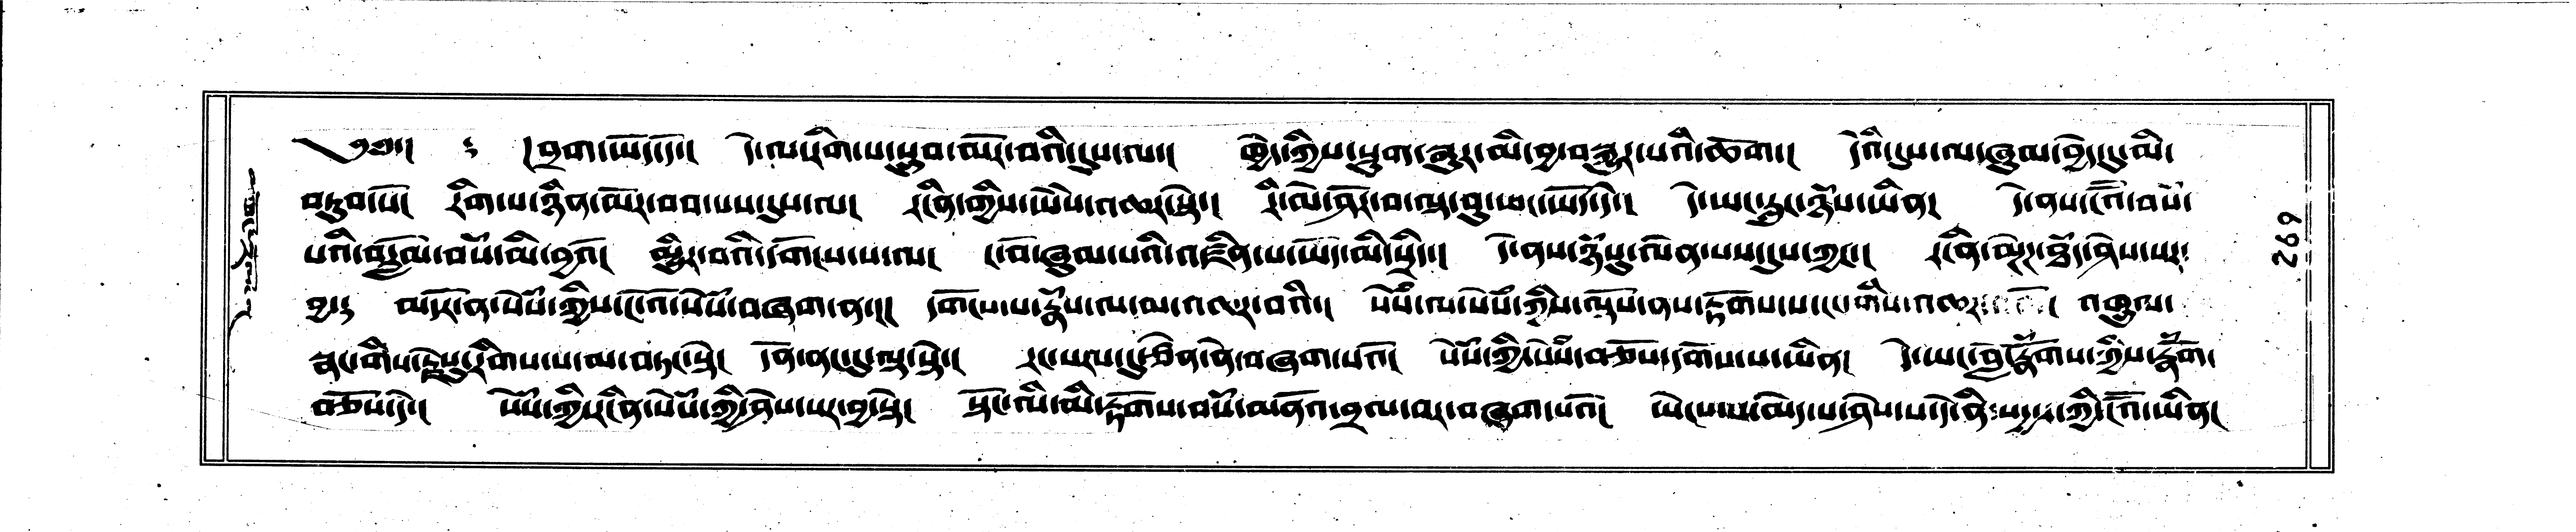བྲག་ཡིན་ནོ། དེ་ལ་རིག་པའི་སྲིབ་མོར་འགྲོ་བའི་དུས་ལ། ཆད་ཀྱི་སྡུག་བསྒུར་མི་བྱ་བསྐྱུར་བས་ཆོག དེའི་དུས་ལ་ཞུམ་པ་བྱེད་དུ་མི་
བཏུབ་བོ། རིག་པ་ཉིན་མོར་བབ་པའི་དུས་ལ་རང་བཞིན་གྱིས་ཡེ་ཤེས་འཆར་ཏེ། རི་མེ་ཤོར་ལྟ་བུ་འོང་བ་ཡང་ཡོད་དེ་དར་རེའི་རླུང་ཉམས་ཡིན། དེ་ལ་ངའོ་བསམ་
པའམ་རློམ་སེམས་མི་བྱའོ། མི་འགྱུར་པའི་དགོངས་པ་ལ། ངའོ་འཛིན་པའི་དགོངས་པ་ཡོད་དམ་མི་སྲིད། དེ་ཉམས་སུ་ལེན་པའི་དུས་ཀྱང་། རང་བཞིན་མེན་ངག་ཐམས་ཅད་ཤེས་པར་
བྱའོ། མདོར་ན་སེམས་ཀྱིས་ངང་དུ་སེམས་བཞག་ན། དགོངས་པ་རྣལ་མ་འཆར་བའོ། སེམས་ལ་སེམས་ཀྱིས་བལྟས་ན་རྟོགས་པ་ངང་གི་འཆར་བའོ། འཁྲུལ་
སྣང་གི་རྗེས་སུ་རིག་པ་མི་བཏང་སྟེ། དོན་ནང་དུ་ལྟ་སྟེ་རང་གསལ་དུ་ཙེན་ནེ་བཞག་པའོ། སེམས་ཀྱི་སེམས་བཅོས་དགོས་པ་ཡིན། དེ་ཡང་བློ་རྣམ་རྟོག་གིས་རྣམ་རྟོག་
བཅོས་ཏེ། རང་ཁར་བཏང་པ་ཡང་མ་ལགས་སྟེ། སེམས་ཀྱི་རང་བཞིན་སེམས་ཀྱིས་ཤེས་པར་བྱ། སྟོང་ལ་མི་རྟོག་བསམ་མནོའ་བྲལ་བར་བཞག་སྟེ། ཡེང་པ་མེད་པའི་ཤེས་པ་དེ་ནི་སངས་རྒྱས་ཀྱིས་ངོའོ་ཡིན་ནོ།